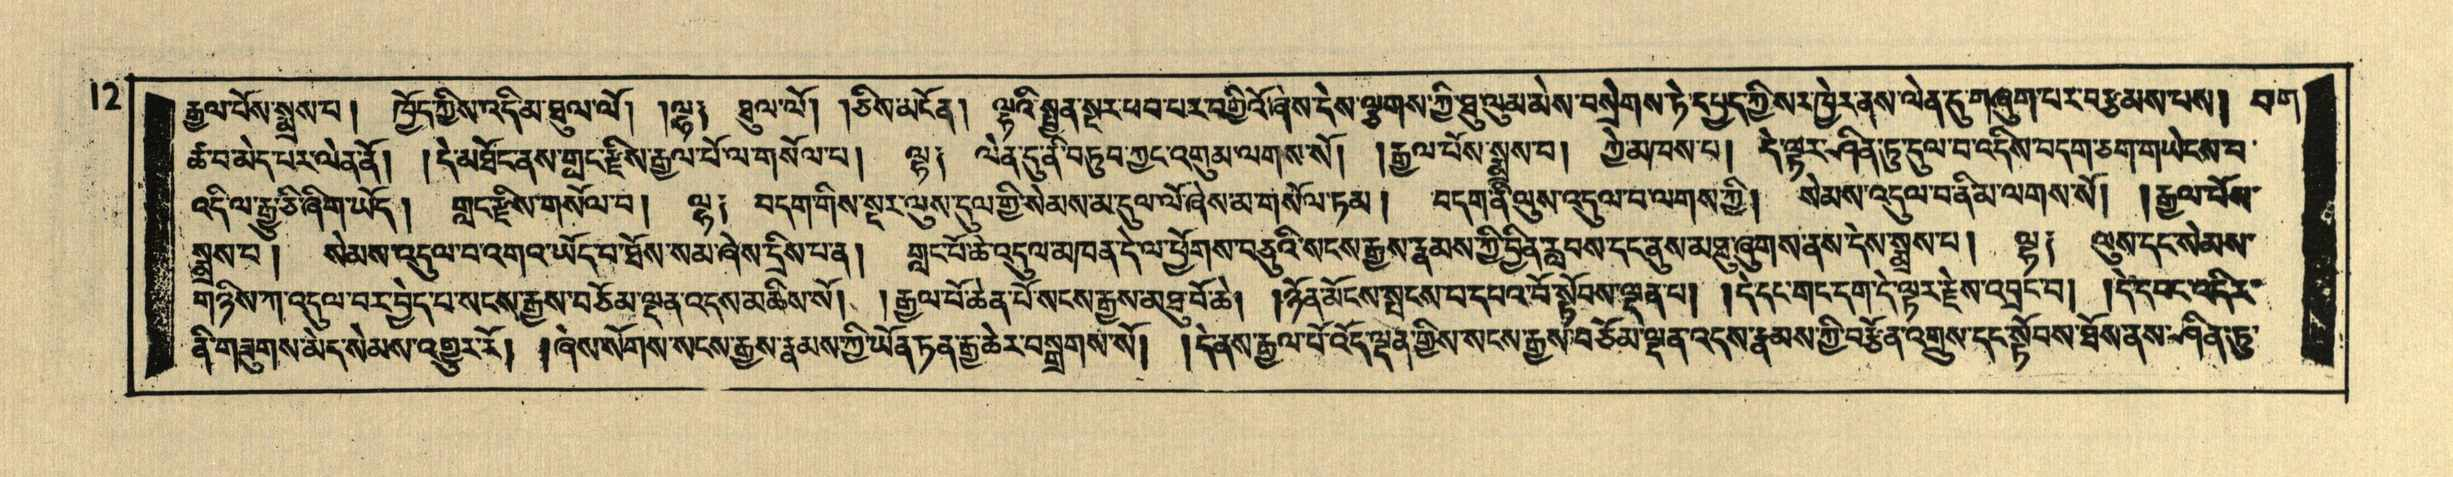རྒྱལ་པོས་སྨྲས་པ། ཁྱོད་ཀྱིས་འདི་མ་ཐུལ་ལོ། །ལྷ༑ ཐུལ་ལོ། །ཅིས་མངོན། ལྷའི་སྤྱན་སྔར་ཕབ་པར་བགྱིའོ་ཞེས་དེས་ལྕགས་ཀྱི་ཐུ་ལུམ་མེས་བསྲེགས་ཏེ་དཔྱད་ཀྱི་སར་ཁྱེར་ནས་ལེན་དུ་གཞུག་པར་བརྩམས་པས། བག་
ཚ་བ་མེད་པར་ལེན་ནོ། །དེ་མཐོང་ནས་གླང་རྫིས་རྒྱལ་པོ་ལ་གསོལ་པ། ལྷ༑ ལེན་དུ་ནི་བཏུབ་ཀྱང་འགུམ་ལགས་སོ། །རྒྱལ་པོས་སྨྲས་པ། ཀྱེ་མཁས་པ། དེ་ལྟར་ཤིན་ཏུ་དུལ་བ་འདིས་བདག་ཅག་གཡེངས་བ་
འདི་ལ་རྒྱུ་ཅི་ཞིག་ཡོད། གླང་རྫིས་གསོལ་བ། ལྷ༑ བདག་གིས་སྔར་ལུས་དུལ་གྱི་སེམས་མདུལ་ལོ་ཞེས་མ་གསོལ་ཏམ། བདག་ནི་ལུས་འདུལ་བ་ལགས་ཀྱི། སེམས་འདུལ་བ་ནི་མ་ལགས་སོ། །རྒྱལ་པོས་
སྨྲས་པ། སེམས་འདུལ་བ་འགའ་ཡོད་པ་ཐོས་སམ་ཞེས་དྲིས་པ་ན། གླང་པོ་ཆེ་འདུལ་མཁན་དེ་ལ་ཕྱོགས་བཅུའི་སངས་རྒྱས་རྣམས་ཀྱི་བྱིན་རླབས་དང་ནུས་མཐུ་ཞུགས་ནས་དེས་སྨྲས་པ། ལྷ༑ ལུས་དང་སེམས་
གཉིས་ཀ་འདུལ་བར་བྱེད་པ་སངས་རྒྱས་བཅོམ་ལྡན་འདས་མཆིས་སོ། །རྒྱལ་པོ་ཆེན་པོ་སངས་རྒྱས་མཐུ་བོ་ཆེ། །ཉོན་མོངས་སྤངས་པ་དཔའ་བོ་སྟོབས་ལྡན་པ། །དེ་དང་གང་དག་དེ་ལྟར་རྗེས་འབྲང་བ། །དེ་དབང་འདིར་
ནི་གཟུགས་མེད་སེམས་འགྱུར་རོ། །ཞེས་སོགས་སངས་རྒྱས་རྣམས་ཀྱི་ཡོན་ཏན་རྒྱ་ཆེར་བསྒྲགས་སོ། །དེ་ནས་རྒྱལ་པོ་འོད་ལྡན་གྱིས་སངས་རྒྱས་བཅོམ་ལྡན་འདས་རྣམས་ཀྱི་བརྩོན་འགྲུས་དང་སྟོབས་ཐོས་ནས་ཤིན་ཏུ་